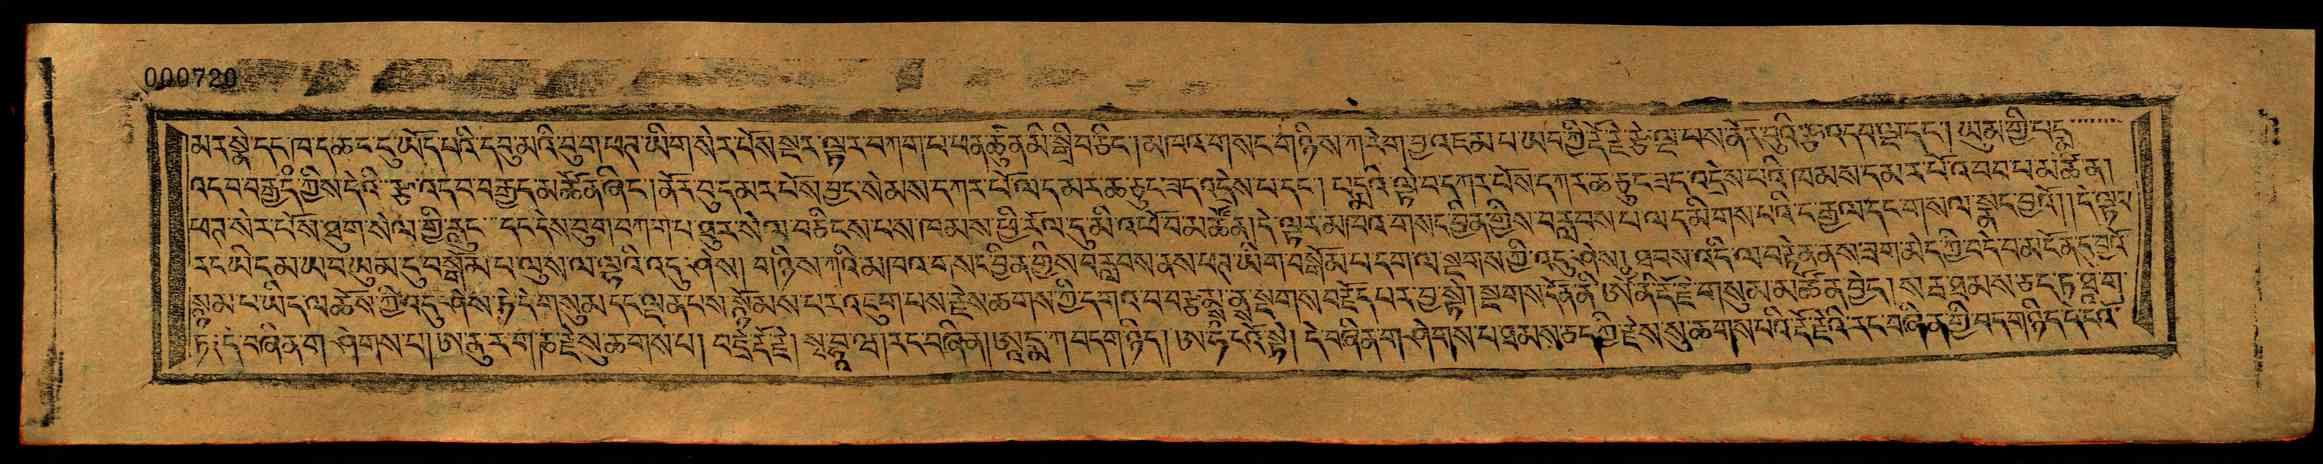མར་སྣེ་དང་ཁ་ད་ཆད་དུ་ཡོད་པའི་དབུ་མའི་བུ་ག་ཕཌ་ཡིག་སེར་པོས་སྔར་ལྟར་བཀག་པ་ཕན་ཚུན་མི་སྒྲིབ་ཅིང་། མཁའ་གསང་གཉིས་ཀ་རེག་བྱ་འཇམ་པ་ཡབ་ཀྱི་རྡོ་རྗེ་རྩེ་ལྔ་པས་ནོར་བུའི་རྩ་འདབ་ལྔ་དང་། ཡུམ་གྱི་པདམ་
འདབ་བརྒྱད་ཀྱིས་དེའི་རྩ་འདབ་བརྒྱད་མཚོན་ཞིང་། ནོར་བུ་དམར་པོས་བྱང་སེམས་དཀར་པོ་ལ་དམར་ཆ་ཅུང་ཟད་འདྲེས་པ་དང་། པདམའི་ལྟེ་བ་དཀར་པོས་དཀར་ཆ་ཅུང་ཟད་འདྲེས་པའི་ཁམས་དམར་པོ་འབབ་པ་མཚོན།
ཕཊ་སེར་པོས་ཐུར་སེལ་གྱི་རླུང་དང་དེས་བུ་ག་བཀག་པ་ཐུར་སེལ་བཅིངས་པས་ཁམས་ཕྱི་རོལ་དུ་མི་འཕོ་བ་མཚོན། དེ་ལྟར་མཁའ་གསང་བྱིན་གྱིས་བརླབས་པ་ལ་དམིགས་པའི་ང་རྒྱལ་དང་གསལ་སྣང་བྱའོ། །དེ་ལྟར་
རང་ཡི་དམ་ཡབ་ཡུམ་དུ་བསྒོམ་པ་ལུས་ལ་ལྷའི་འདུ་ཤེས་།གཉིས་ཀའི་མཁའ་གསང་བྱིན་གྱིས་བརླབས་ནས་ཕཊ་ཡིག་བསྒོམ་པ་ངག་ལ་སྔགས་ཀྱི་འདུ་ཤེས། ཐབས་འདི་ལ་བརྟེན་ནས་ཟག་མེད་ཀྱི་བདེ་བ་མངོན་དུ་བྱའོ་
སྙམ་པ་ཡིད་ལ་ཆོས་ཀྱི་འདུ་ཤེས་ཏེ་དེ་གསུམ་དང་ལྡན་པས་སྙོམས་པར་འཇུག་པས་རྗེས་ཆགས་ཀྱི་དགའ་བ་བརྩམས་ནས་སྡགས་བརྗོད་པར་བྱ་སྟེ། སྔགས་དོན་ནི་ཨོཾ་ནི་རྡོ་རྗེ་གསུམ་མཚོན་བྱེད། སརྦ་ཐམས་ཅད་ཏ་ཐཱ་ག་
ཏ༑ དེ་བཞིན་གཤེགས་པ། ཨ་ནུ་ར་ག་ཎ་རྗེས་སུ་ཆགས་པ། བཛྲ་རྡོ་རྗེ། སྭ་བྷ་ཝ། རང་བཞིན། ཨཱ་དམ་ཀ་བདག་ཉིད། ཨ་ཧམ་ངའོ་སྟེ། དེ་བཞིན་གཤེགས་པ་ཐམས་ཅད་ཀྱི་རྗེས་སུ་ཆགས་པའི་རྡོ་རྗེའི་རང་བཞིན་གྱི་བདག་ཉིད་དེ་བའོ།